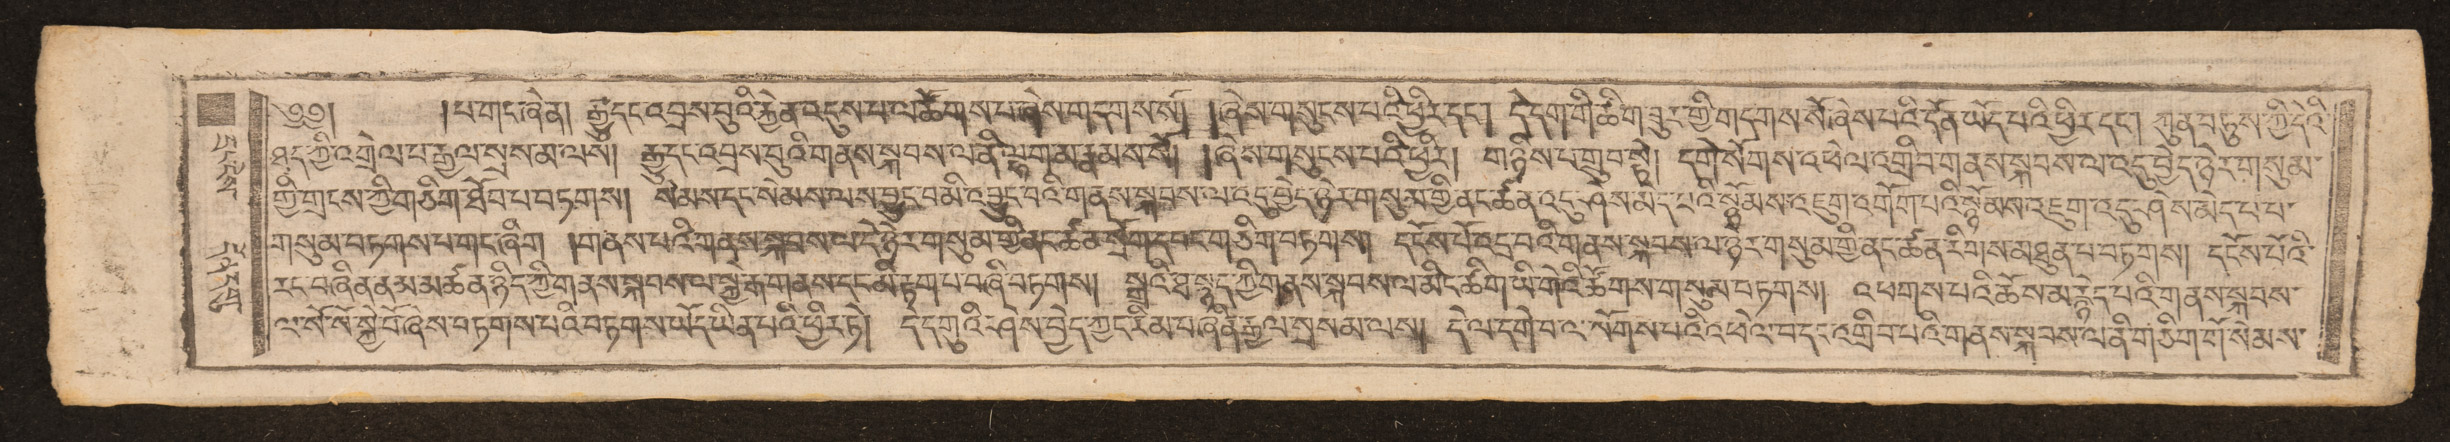༄༅། །པ་གང་ཞེ་ན། རྒྱུ་དང་འབྲས་བུའི་རྐྱེན་འདུས་པ་ལ་ཚོགས་པ་ཞེས་གདགས་སོ། །ཞེས་གསུངས་པའི་ཕྱིར་དང་། དེ་དག་གི་ཚིག་ཟུར་གྱི་གདགས་སོ་ཞེས་པའི་དོན་ཡོད་པའི་ཕྱིར་དང་། ཀུན་བཏུས་ཀྱི་དེའི་
ཐད་ཀྱི་འགྲེལ་བ་རྒྱལ་སྲས་མ་ལས། རྒྱུ་དང་འབྲས་བུའི་གནས་སྐབས་ལ་ནི་ལྷག་མ་རྣམས་སོ། །ཞེས་གསུངས་པའི་ཕྱིར། གཉིས་པ་གྲུབ་སྟེ། དགེ་སོགས་འཕེལ་འགྲིབ་གནས་སྐབས་ལ་འདུ་བྱེད་ཉེར་གསུམ་
ཀྱི་གྲངས་ཀྱི་གཅིག་ཐོབ་པ་བཏགས། སེམས་དང་སེམས་ལས་བྱུང་བ་མི་འབྱུང་བའི་གནས་སྐབས་ལ་འདུ་བྱེད་ཉེར་གསུམ་གྱི་ནང་ཚན་འདུ་ཤེས་མེད་པའི་སྙོམས་འཇུག་འགོག་པའི་སྙོམས་འཇུག་འདུ་ཤེས་མེད་པ་བ་
གསུམ་བཏགས་པ་གང་ཞིག །གནས་པའི་གནས་སྐབས་ལ་དེ་ཉེར་གསུམ་གྱི་ནང་ཚན་སྲོག་དབང་གཅིག་བཏགས། དངོས་པོ་འདྲ་བའི་གནས་སྐབས་ལ་ཉེར་གསུམ་གྱི་ནང་ཚན་རིགས་མཐུན་པ་བཏགས། དངོས་པོའི་
རང་བཞིན་ནམ་མཚན་ཉིད་ཀྱི་གནས་སྐབས་ལ་སྐྱེ་རྒ་གནས་དང་མི་རྟག་པ་བཞི་བཏགས། སྒྲའི་ཐ་སྙད་ཀྱི་གནས་སྐབས་ལ་མིང་ཚིག་ཡི་གེའི་ཚོགས་གསུམ་བཏགས། འཕགས་པའི་ཆོས་མ་རྙེད་པའི་གནས་སྐབས་
ལ་སོ་སོ་སྐྱེ་བོ་ཞེས་བཏགས་པའི་བཏགས་ཡོད་ཡིན་པའི་ཕྱིར་ཏེ། དེ་དགུའི་ཤེས་བྱེད་ཀྱང་རིམ་པ་ཞིན་རྒྱལ་སྲས་མ་ལས། དེ་ལ་དགེ་བ་ལ་སོགས་པའི་འཕེལ་བ་དང་འགྲིབ་པའི་གནས་སྐབས་ལ་ནི་གཅིག་གོ་སེམས་